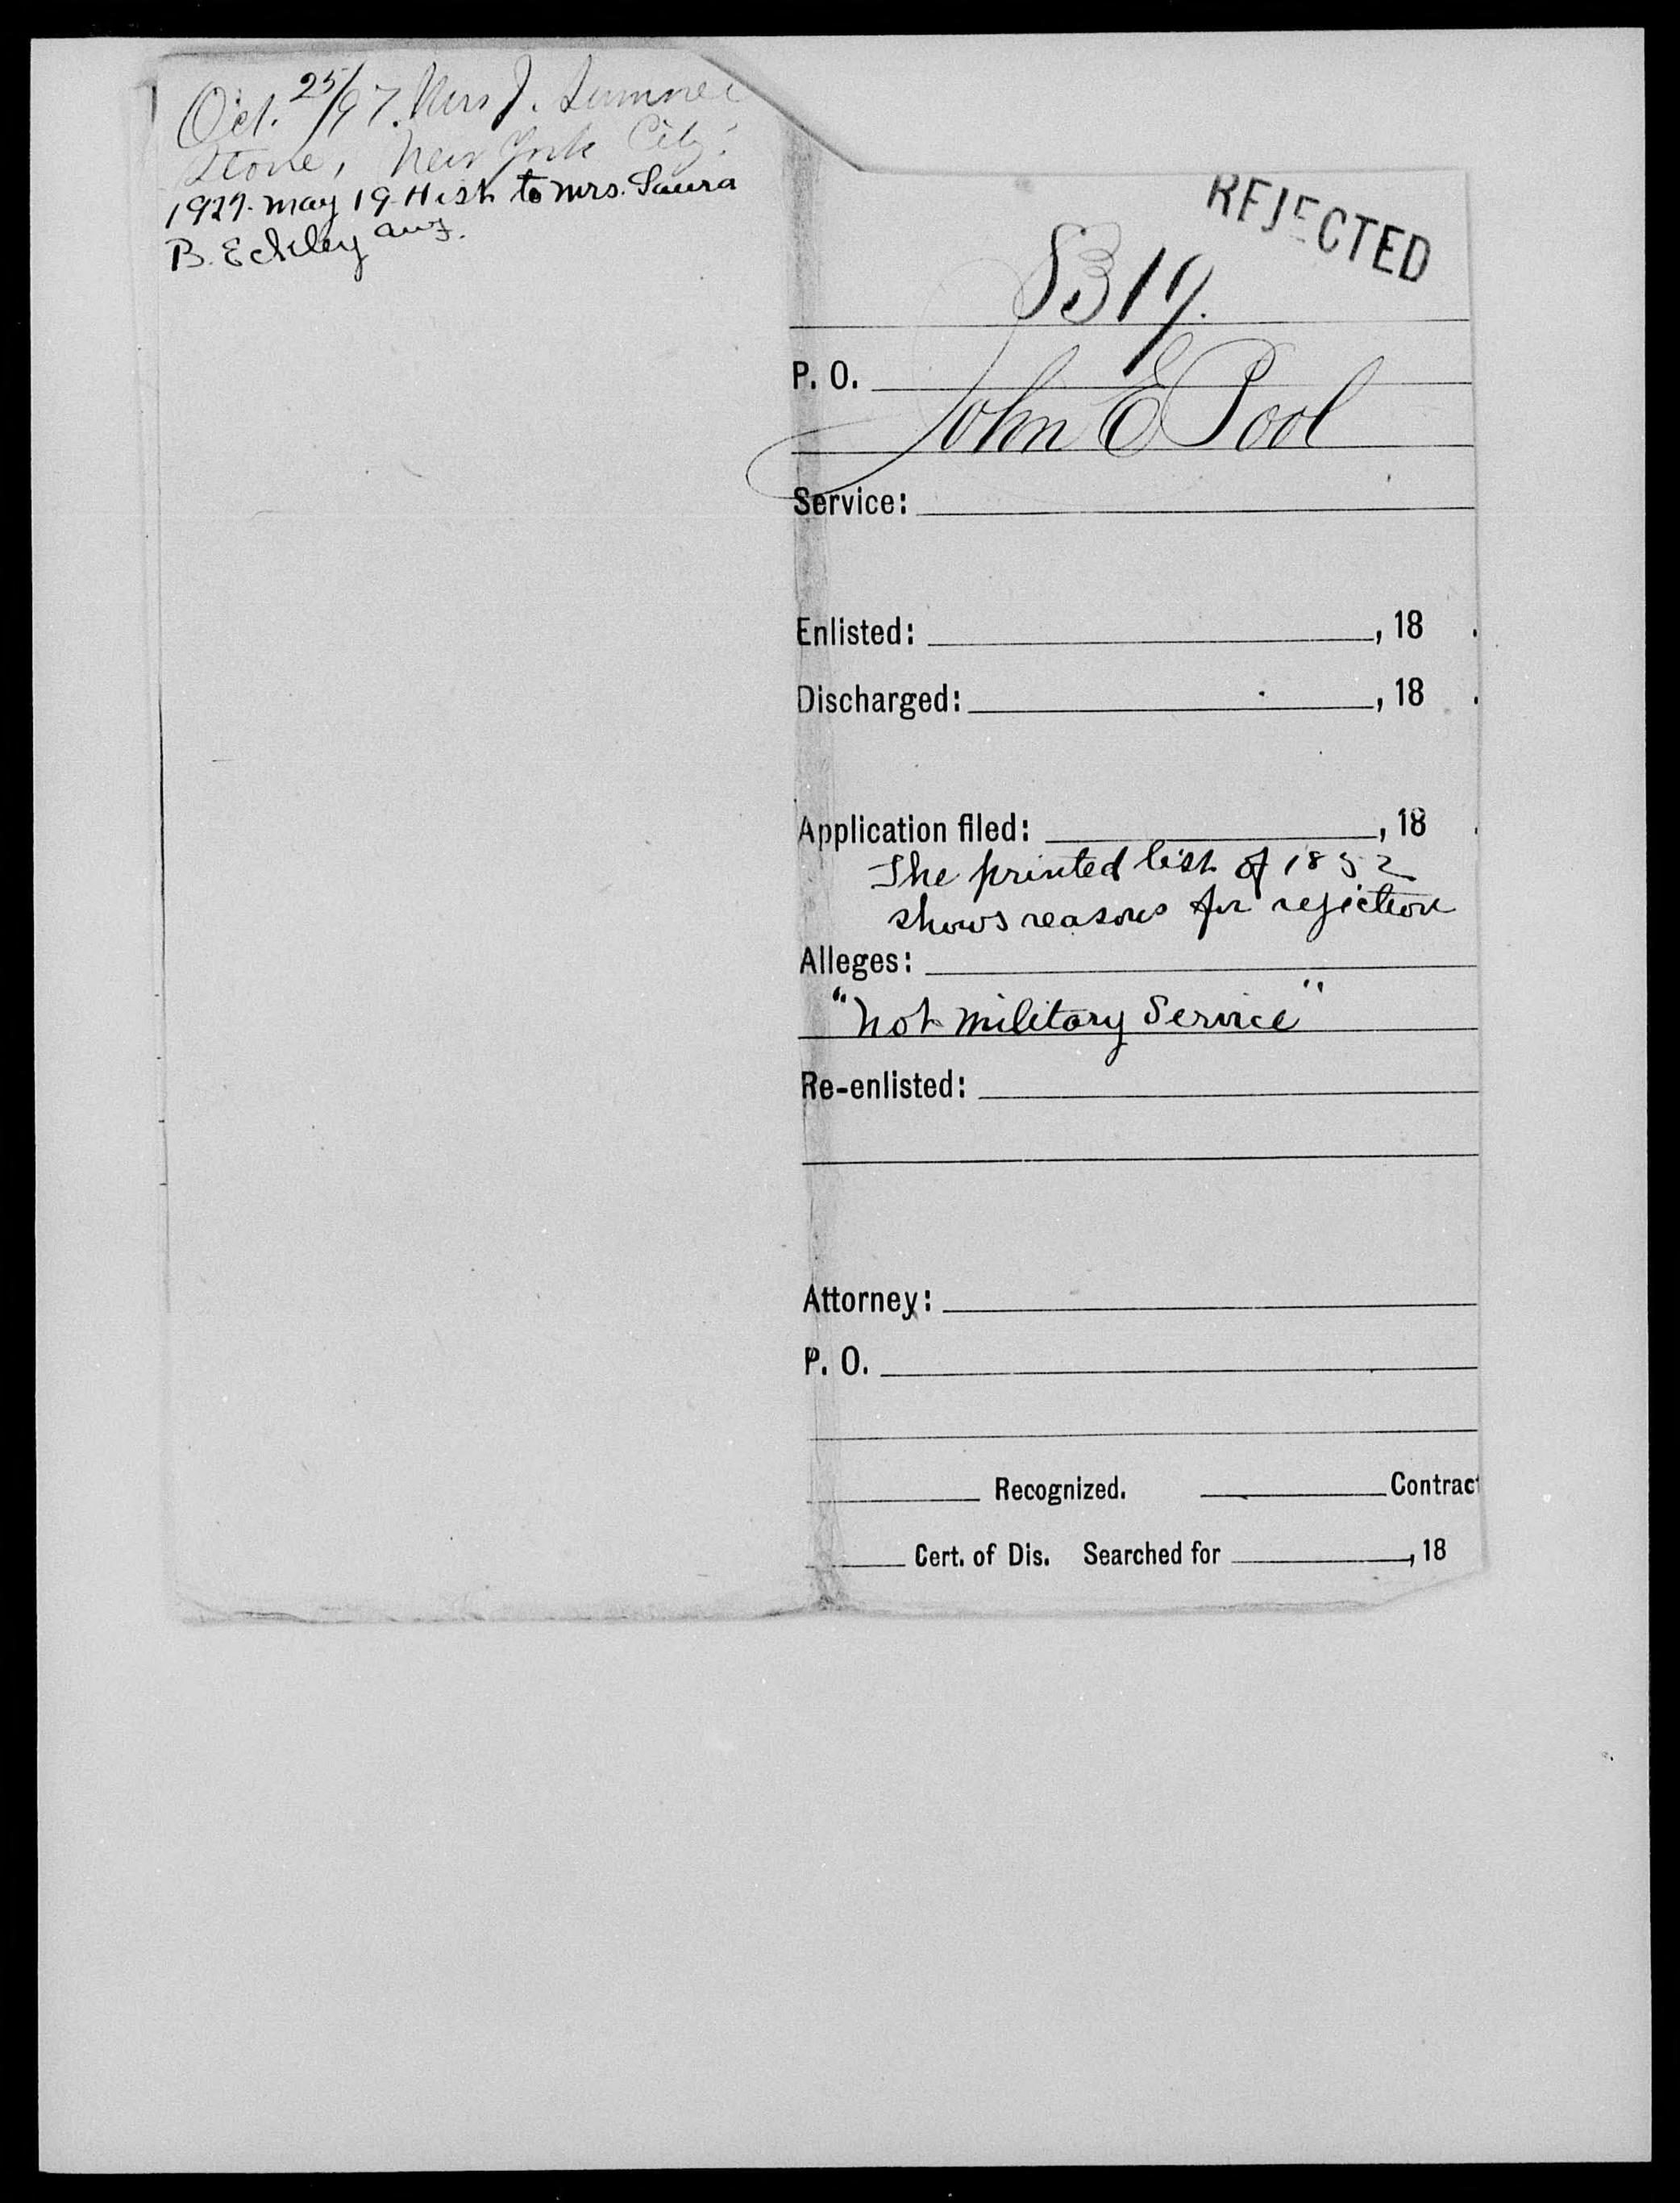Oct 25/97 Mrs. J. Lumnee
Stone, New York City
1927 May 19. Hist to Mrs. Laura B. Eckley auy

Rejected
8319
P.O.  John E. Pool
Service: ________, 18
Enlisted: ________, 18
Discharged: _________
Application Filed: ___________, 18
  The printed list of 1852 shows reasons for 
  rejection
Alleges:  "not military service"
Re-enlisted: ___________
Attorney: __________
P.O. __________
Recognized. _________
Contract _________
Cert of Dis. Searched for ___________, 18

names: Laura B Eckley; J Lumnee; John E Pool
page: 12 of 22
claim: rejected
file: R. 8,319, for John Engle Pool, Pennsylvania